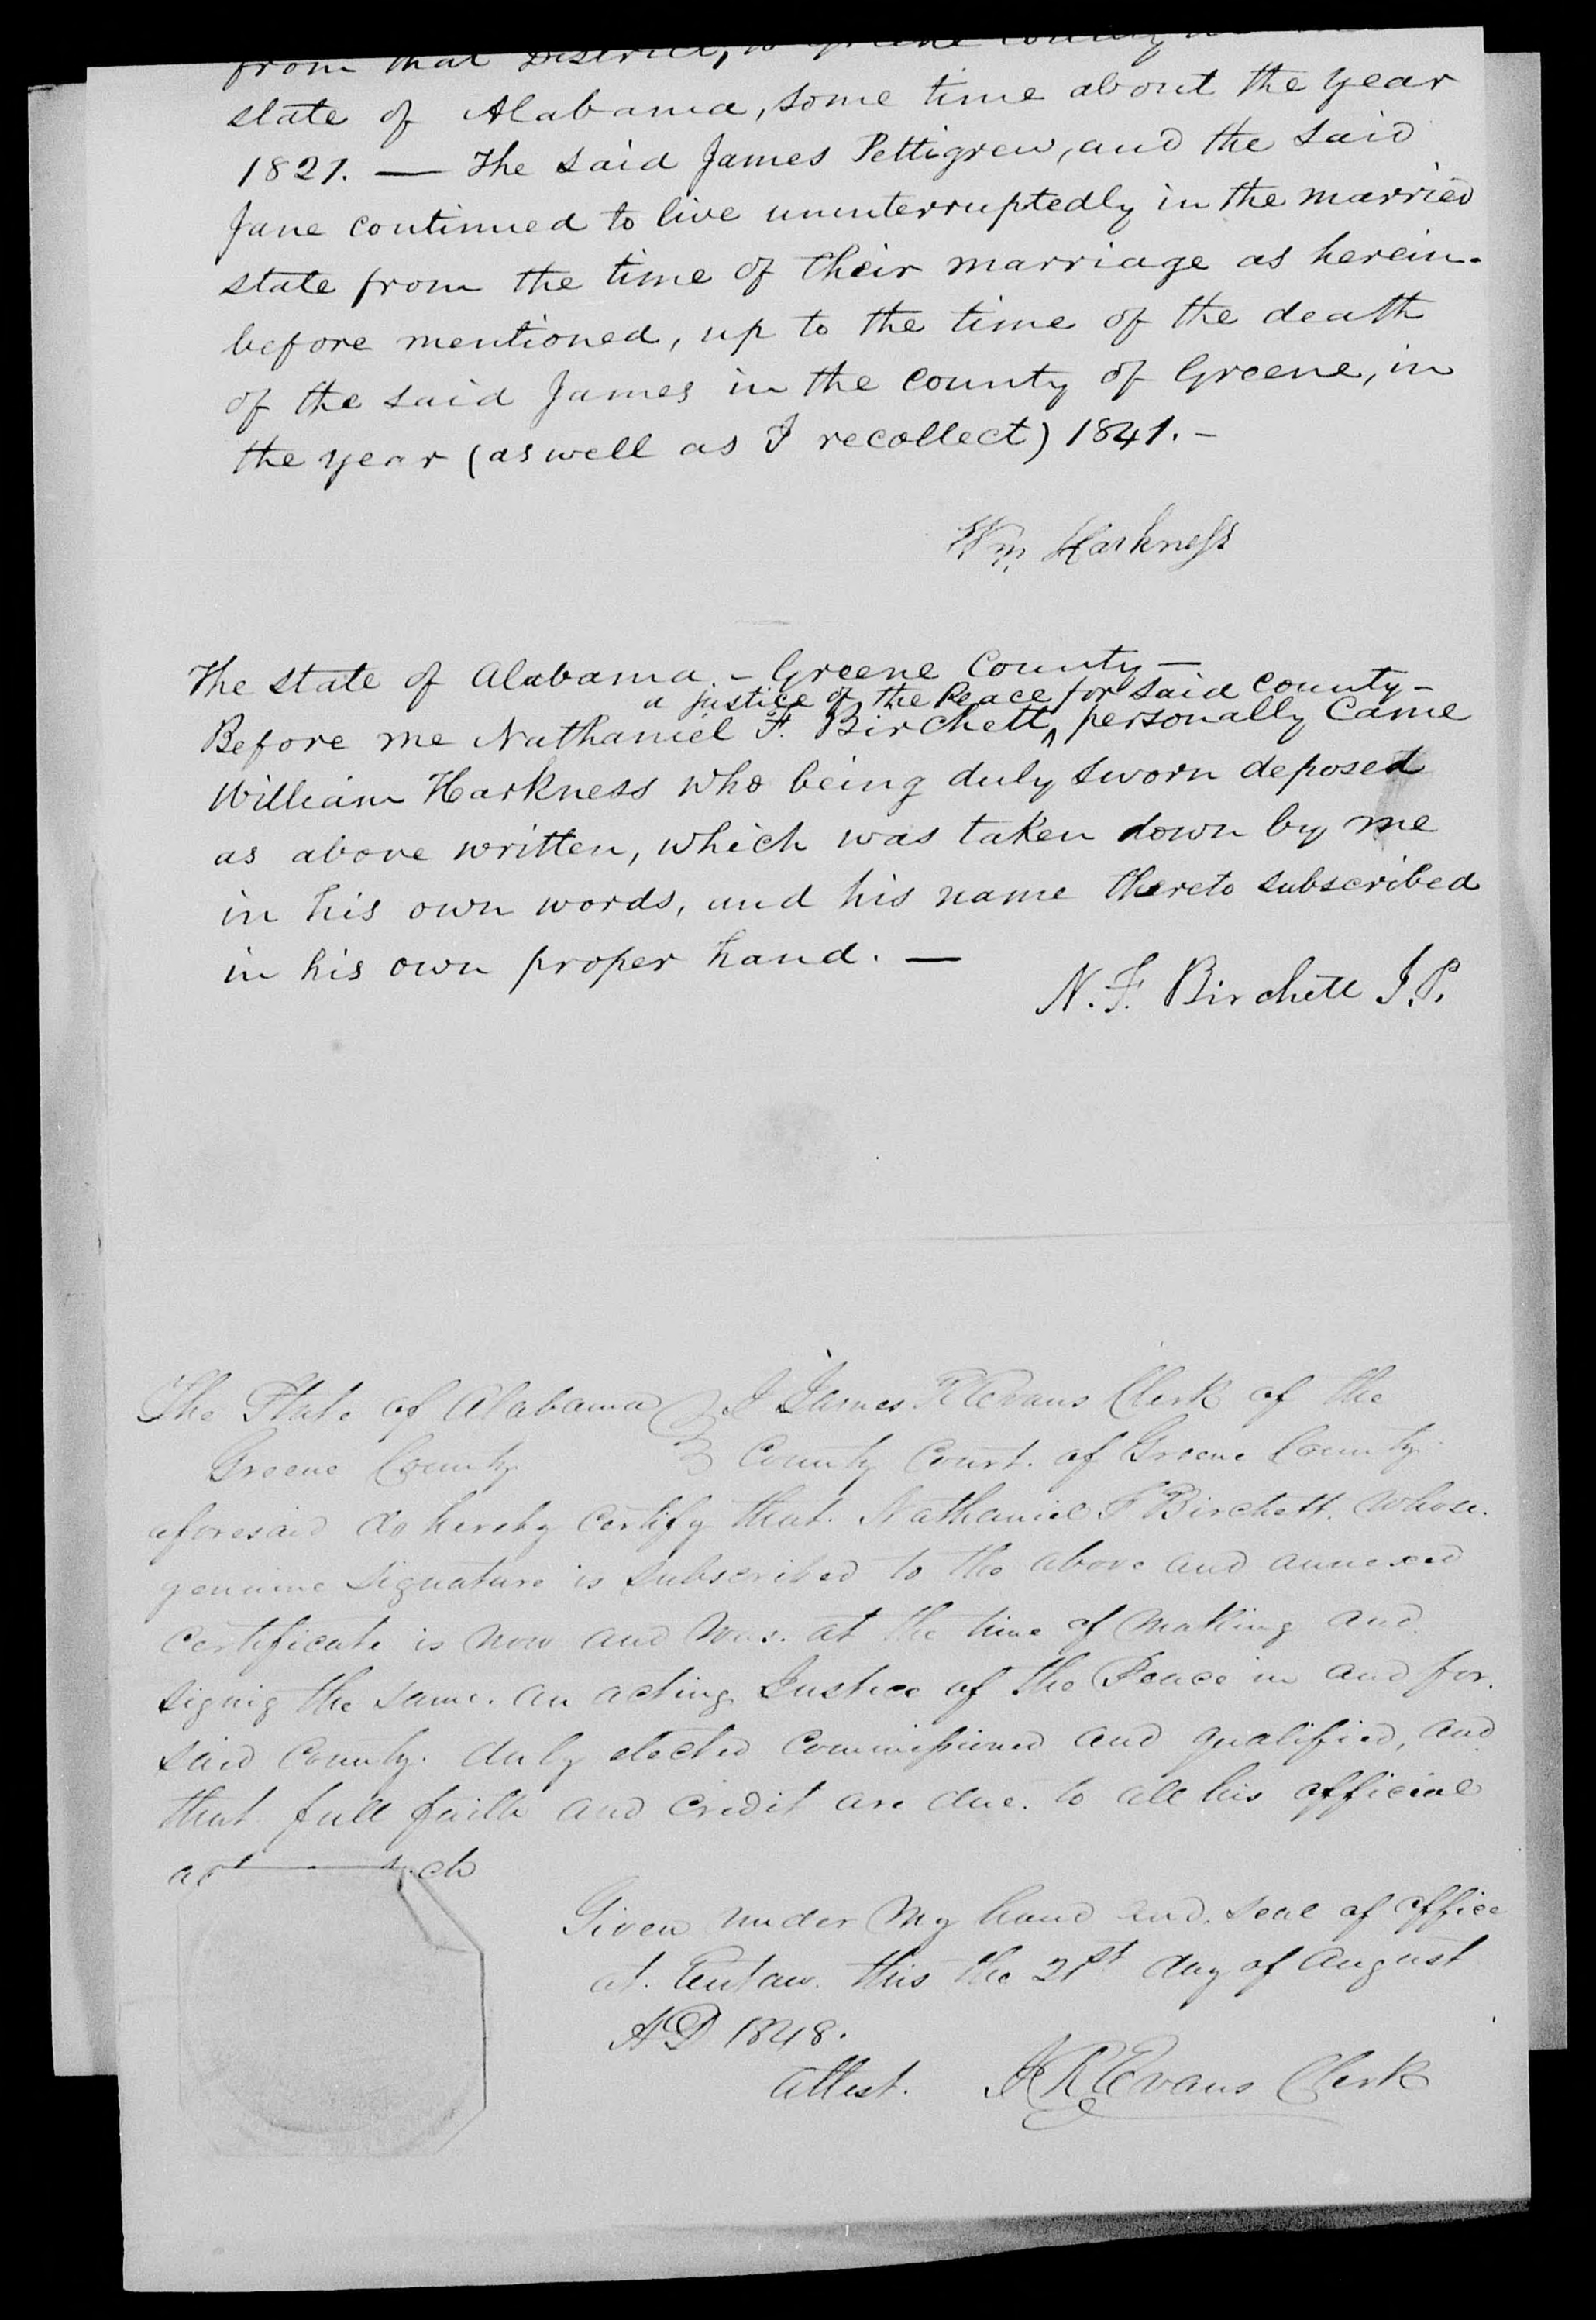State of Alabama, some time about the year 1827.-The said James Pettigrew, and the said Jane continued to live uninterruptedly in the married state from the time of their marriage as herein-before mentioned, up to the time of the death of the said James in the County of Greene, in the year (as well as I recollect) 1841.-
Wm Harkness

The State of Alabama-Greene County-
Before ne Nathaniel A. Birchett personally came William Harkness who being duly sworn deposed as above written, which was taken down by me in his own words, and his name hereto subscribed in his own proper hand.-
N.F. Birchett J.G.

The State of Alabama
Greene County
I James  R Davis Clark of County Court of Greene County aforesaid in hereby certify that Nathaniel G Birchett whose genuine Signature is subscribed to the above and aforesaid Certificate is now and was at the time of marking and signing the name. An acting Justice of the Peace in and for said County. Duly declared certificate and qualified, and that full faith and credit are due. To all his affirmed [illegible]

[seal]
 
Given under my hand and seal of office at. Eutaw. this the 21st day of August 19 1848.
Attest. H R Davis Clerk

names: Wm Harkness; James R Evans; Nathaniel F Birchett; James Pettigrew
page: 11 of 92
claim: widow's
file: W. 5522, for James Pettigrew, South Carolina